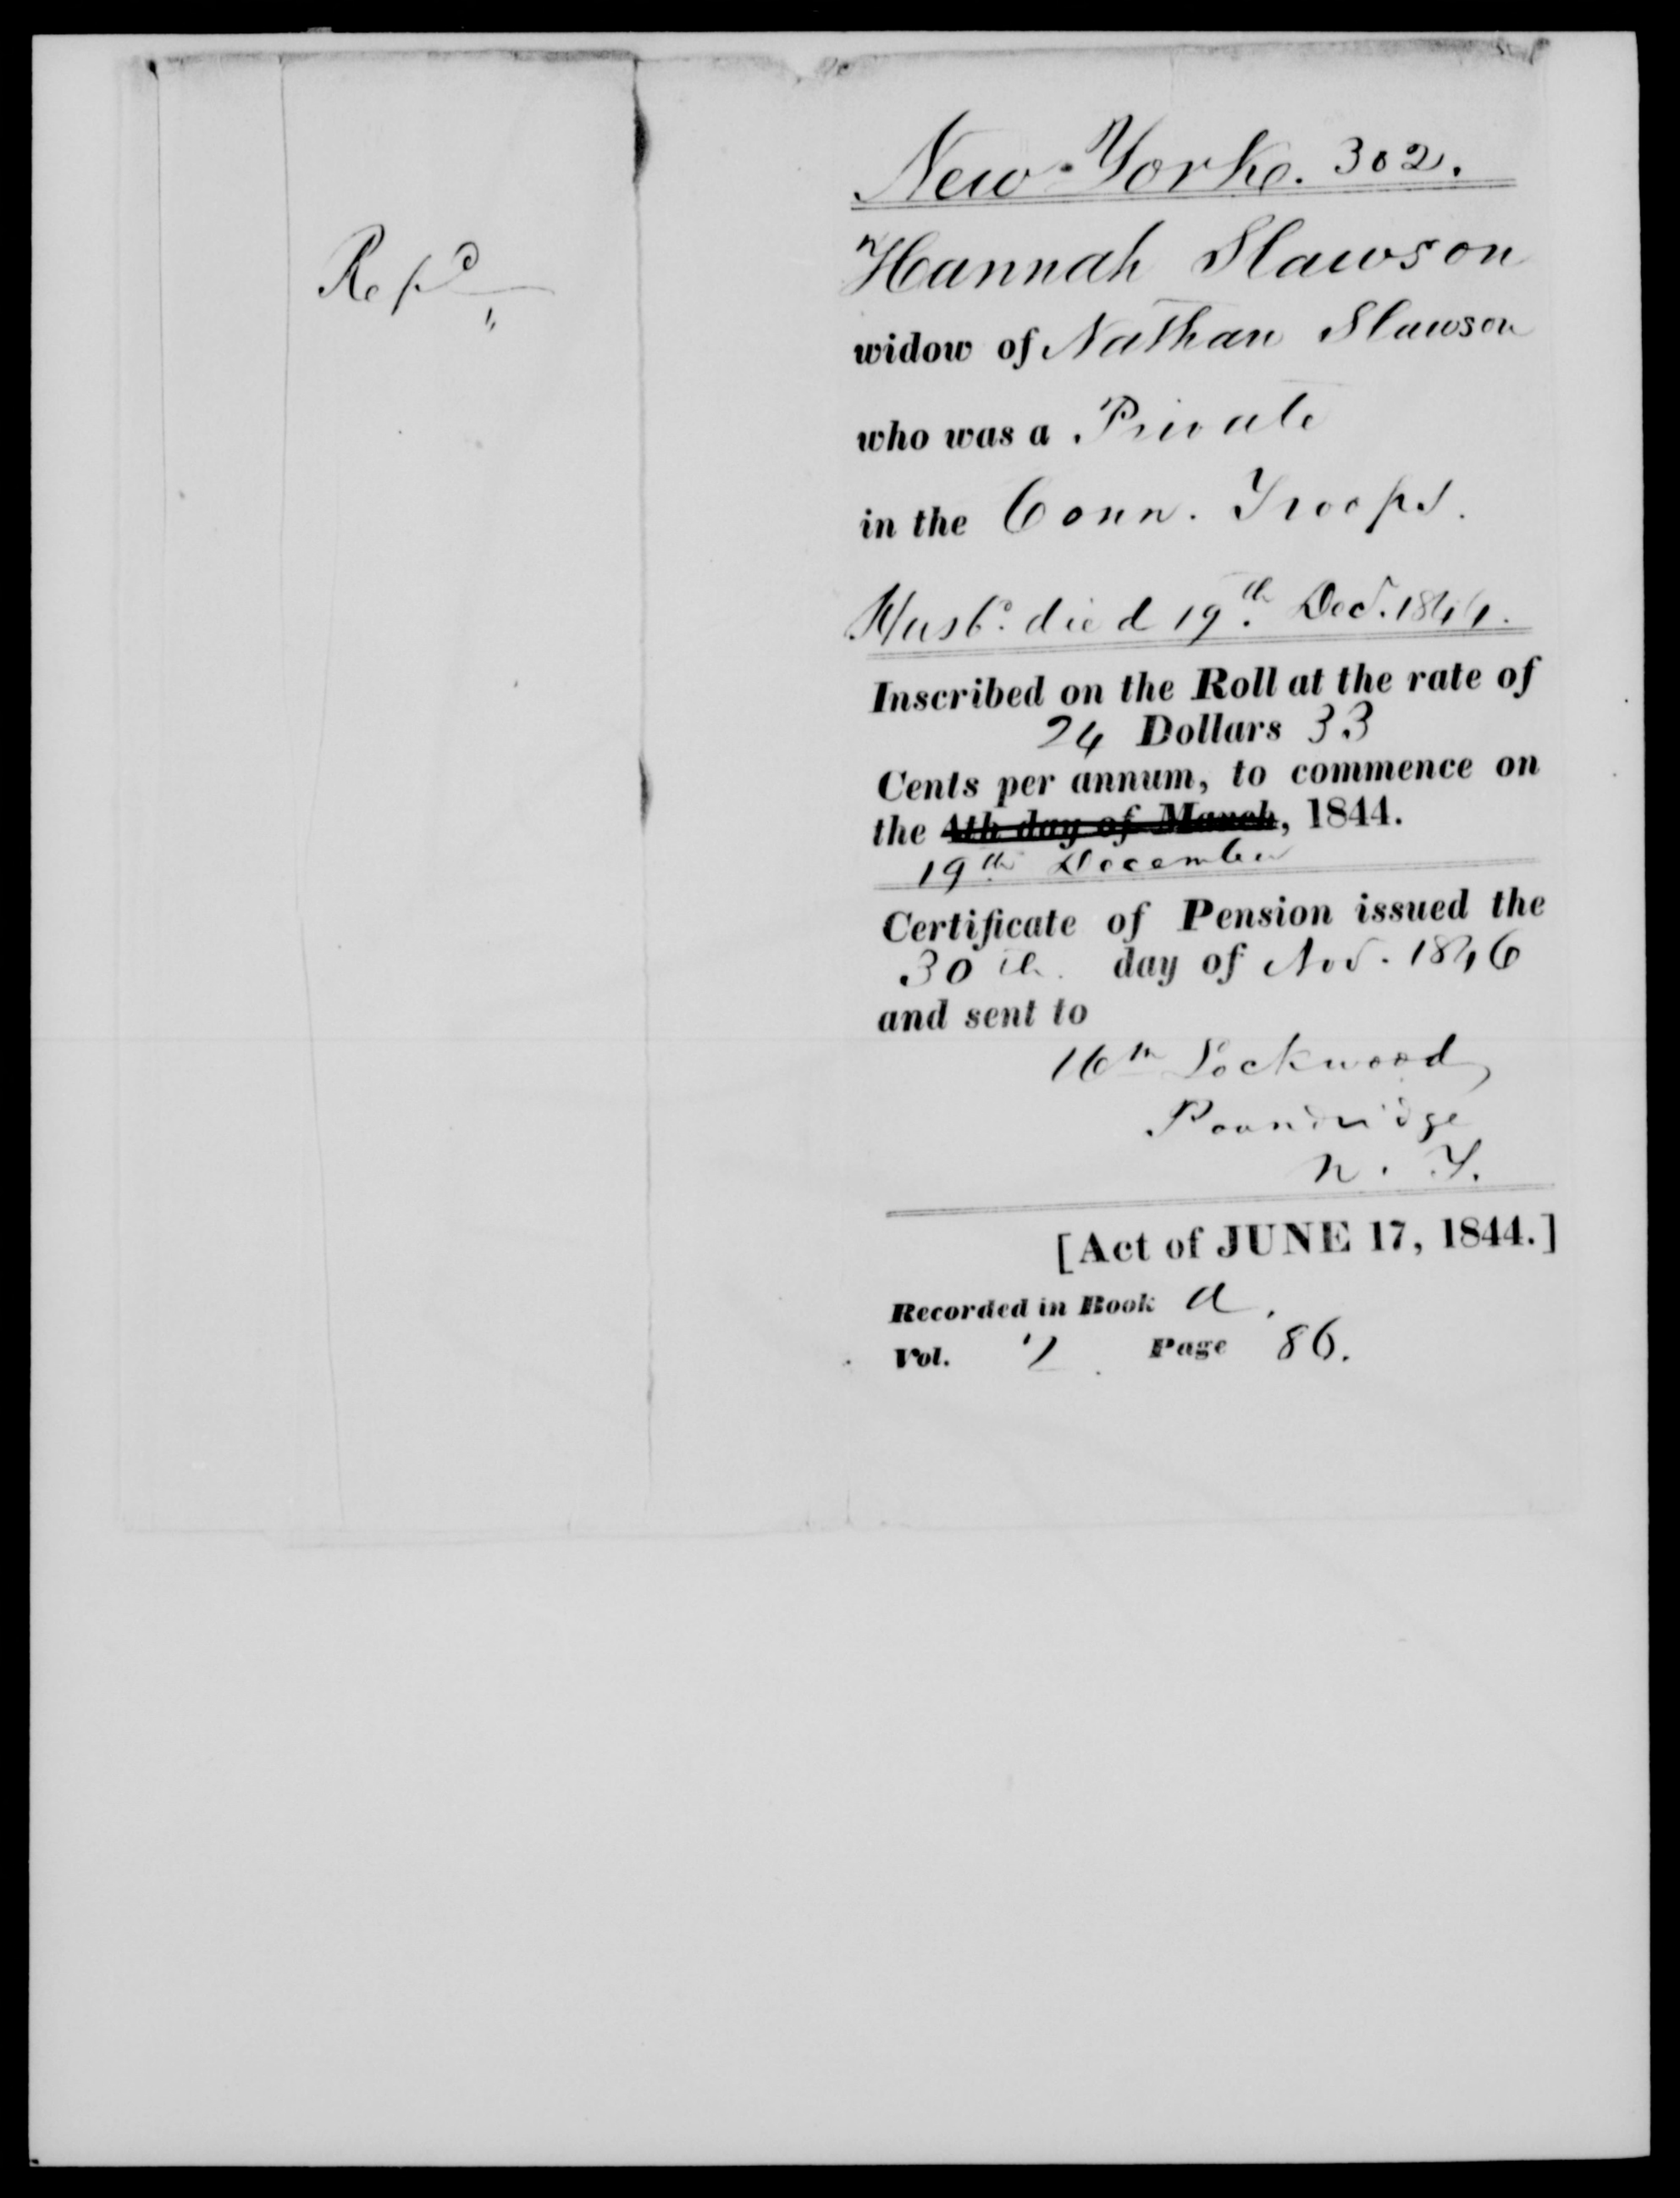Rep’d [reported]
New York 302. 
Hannah Slawson widow of Nathan Slawson who was a Private in the Conn Troops 
Husb. died 19th Decr 1844. 
Inscribed on the Roll at the rate of 24 Dollars 33 Cents per annum, to commence on the 19th day of December, 1844. 
Certificate of Pension issued the 30th day of Nov. 1846 and sent to Wm. Lockwood Poundridge N.Y. 
[Act of JUNE 17, 1844.] 
Recorded in Book  A   Vol. 2   Page 86.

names: Wm Lockwood; Hannah Slawson; Nathan Slawson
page: 87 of 87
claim: widow's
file: W. 22,226, for Nathan Slawson, Connecticut